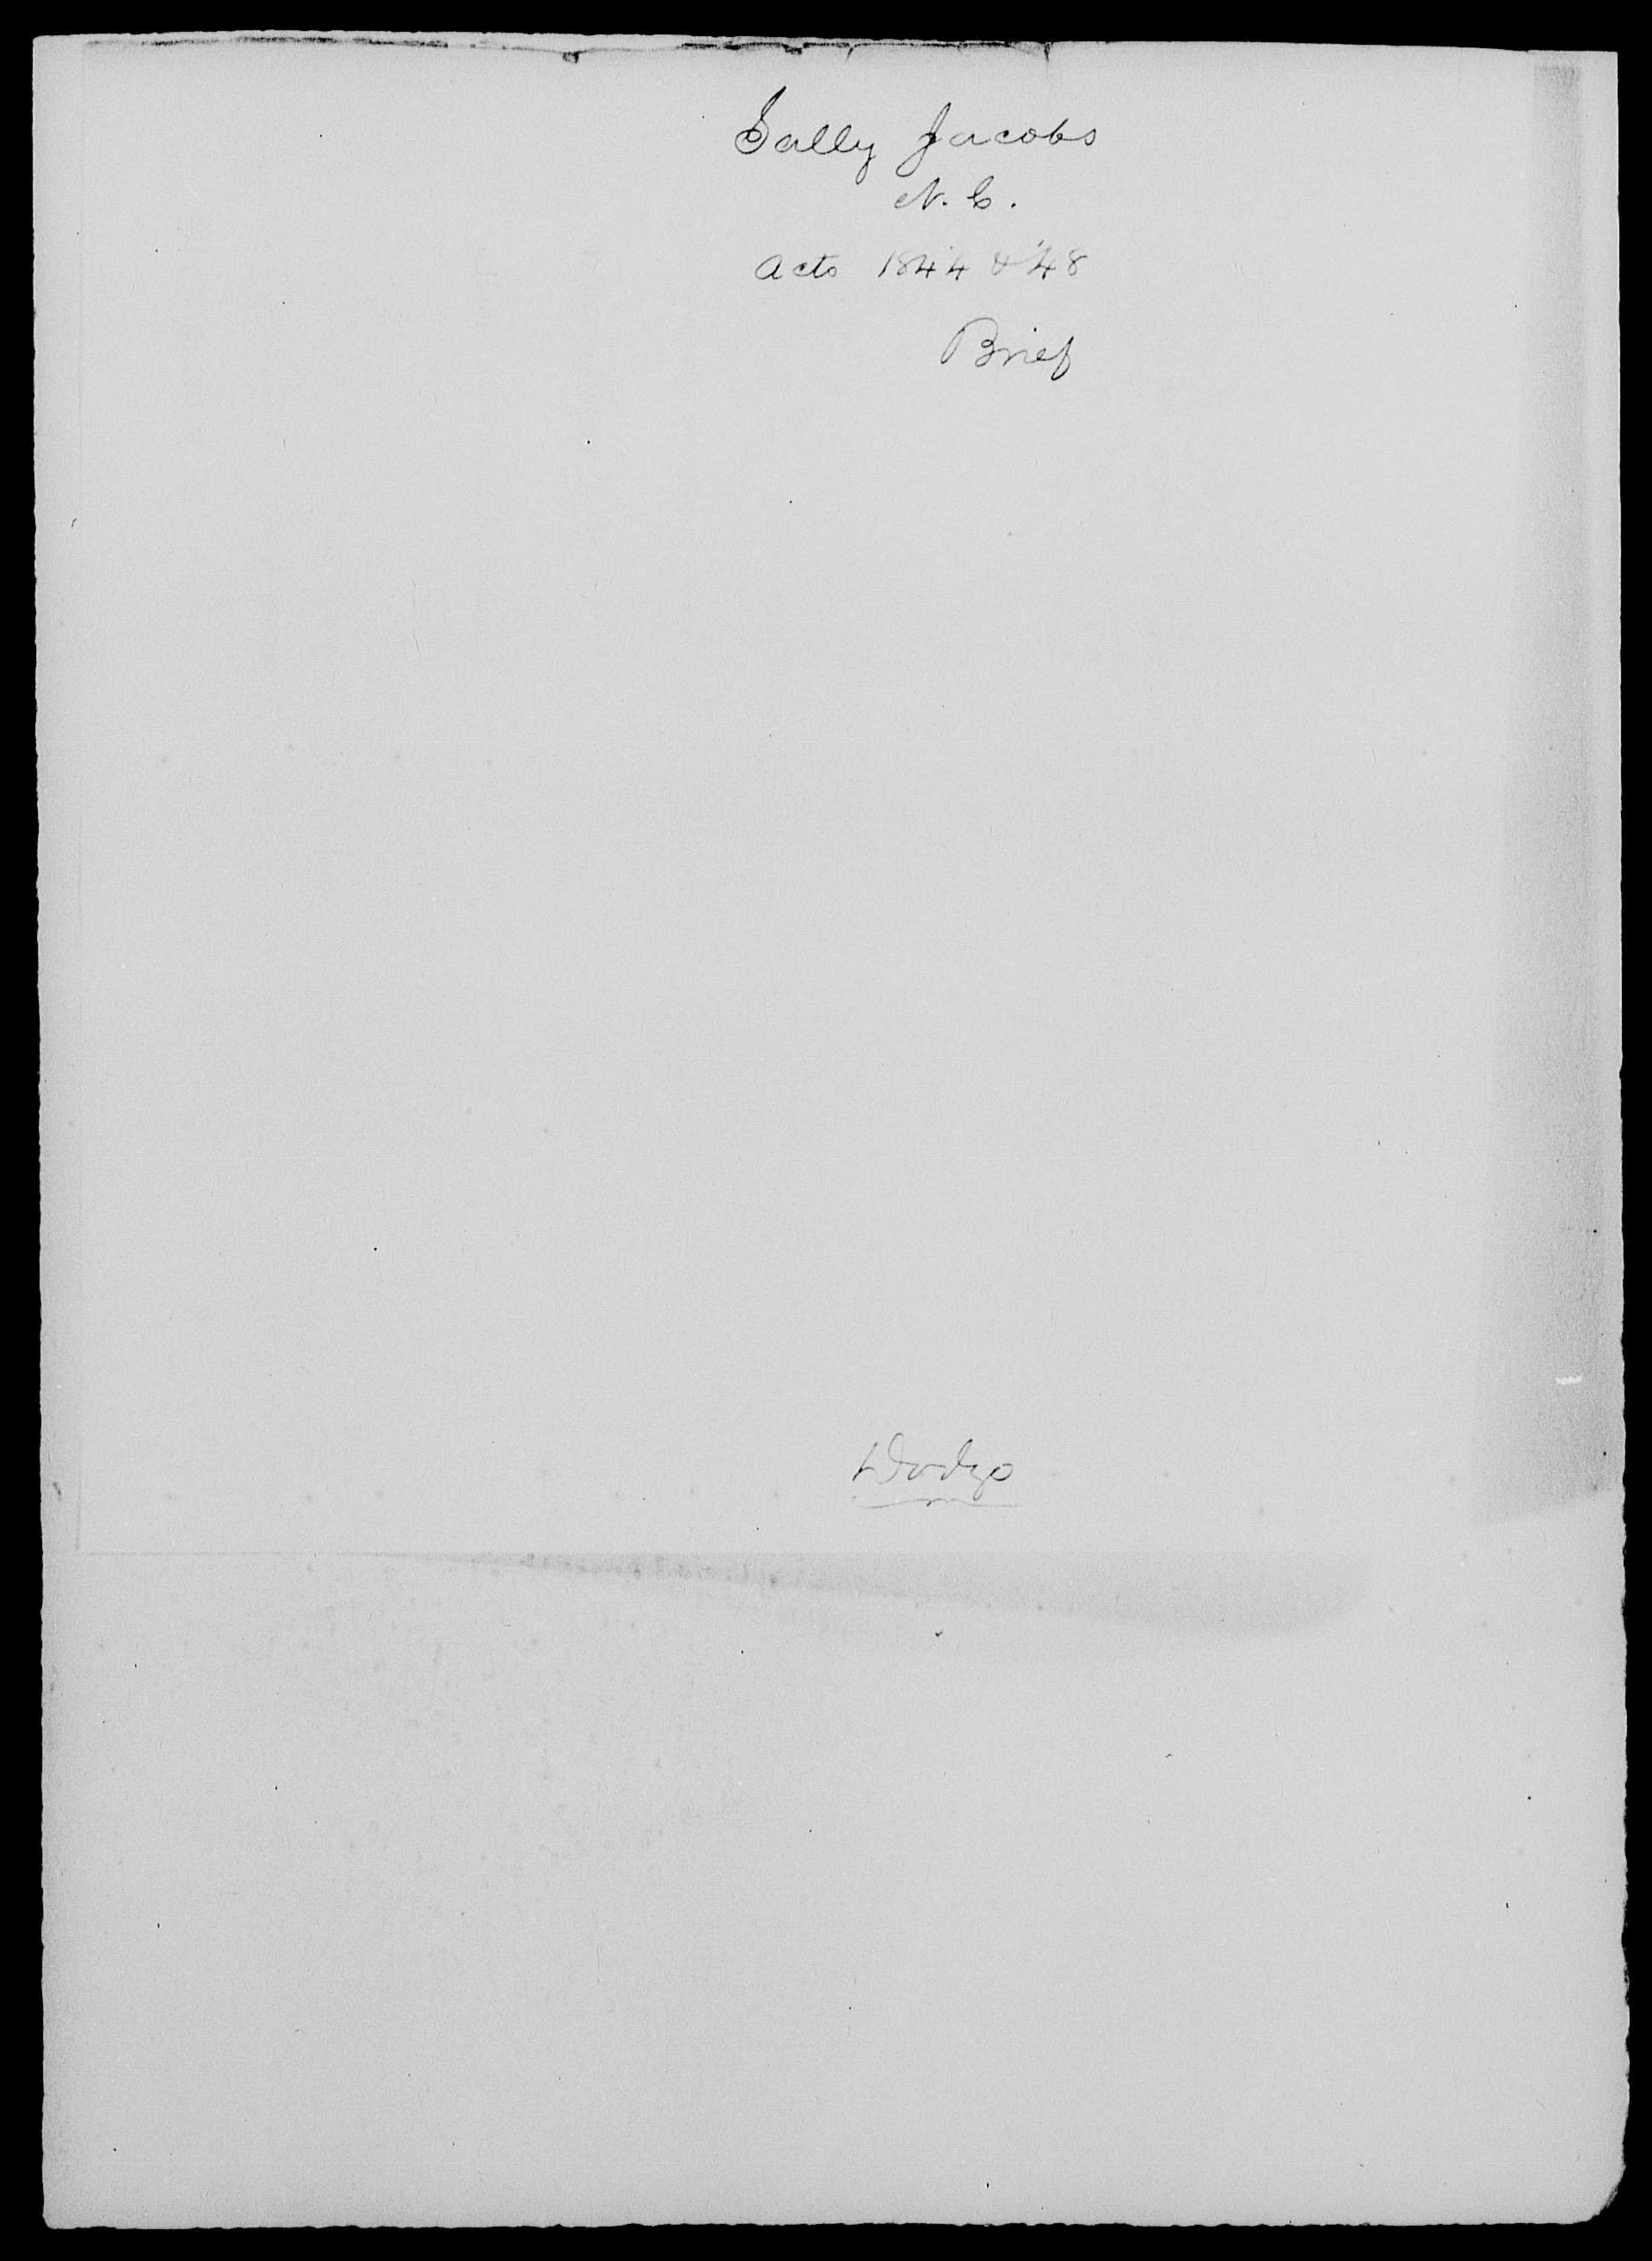Sally Jacobs
      N.C.

Acts 1844 & '48

        Brief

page: 28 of 40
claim: widow's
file: W. 5304, for Zachariah Jacobs, North Carolina